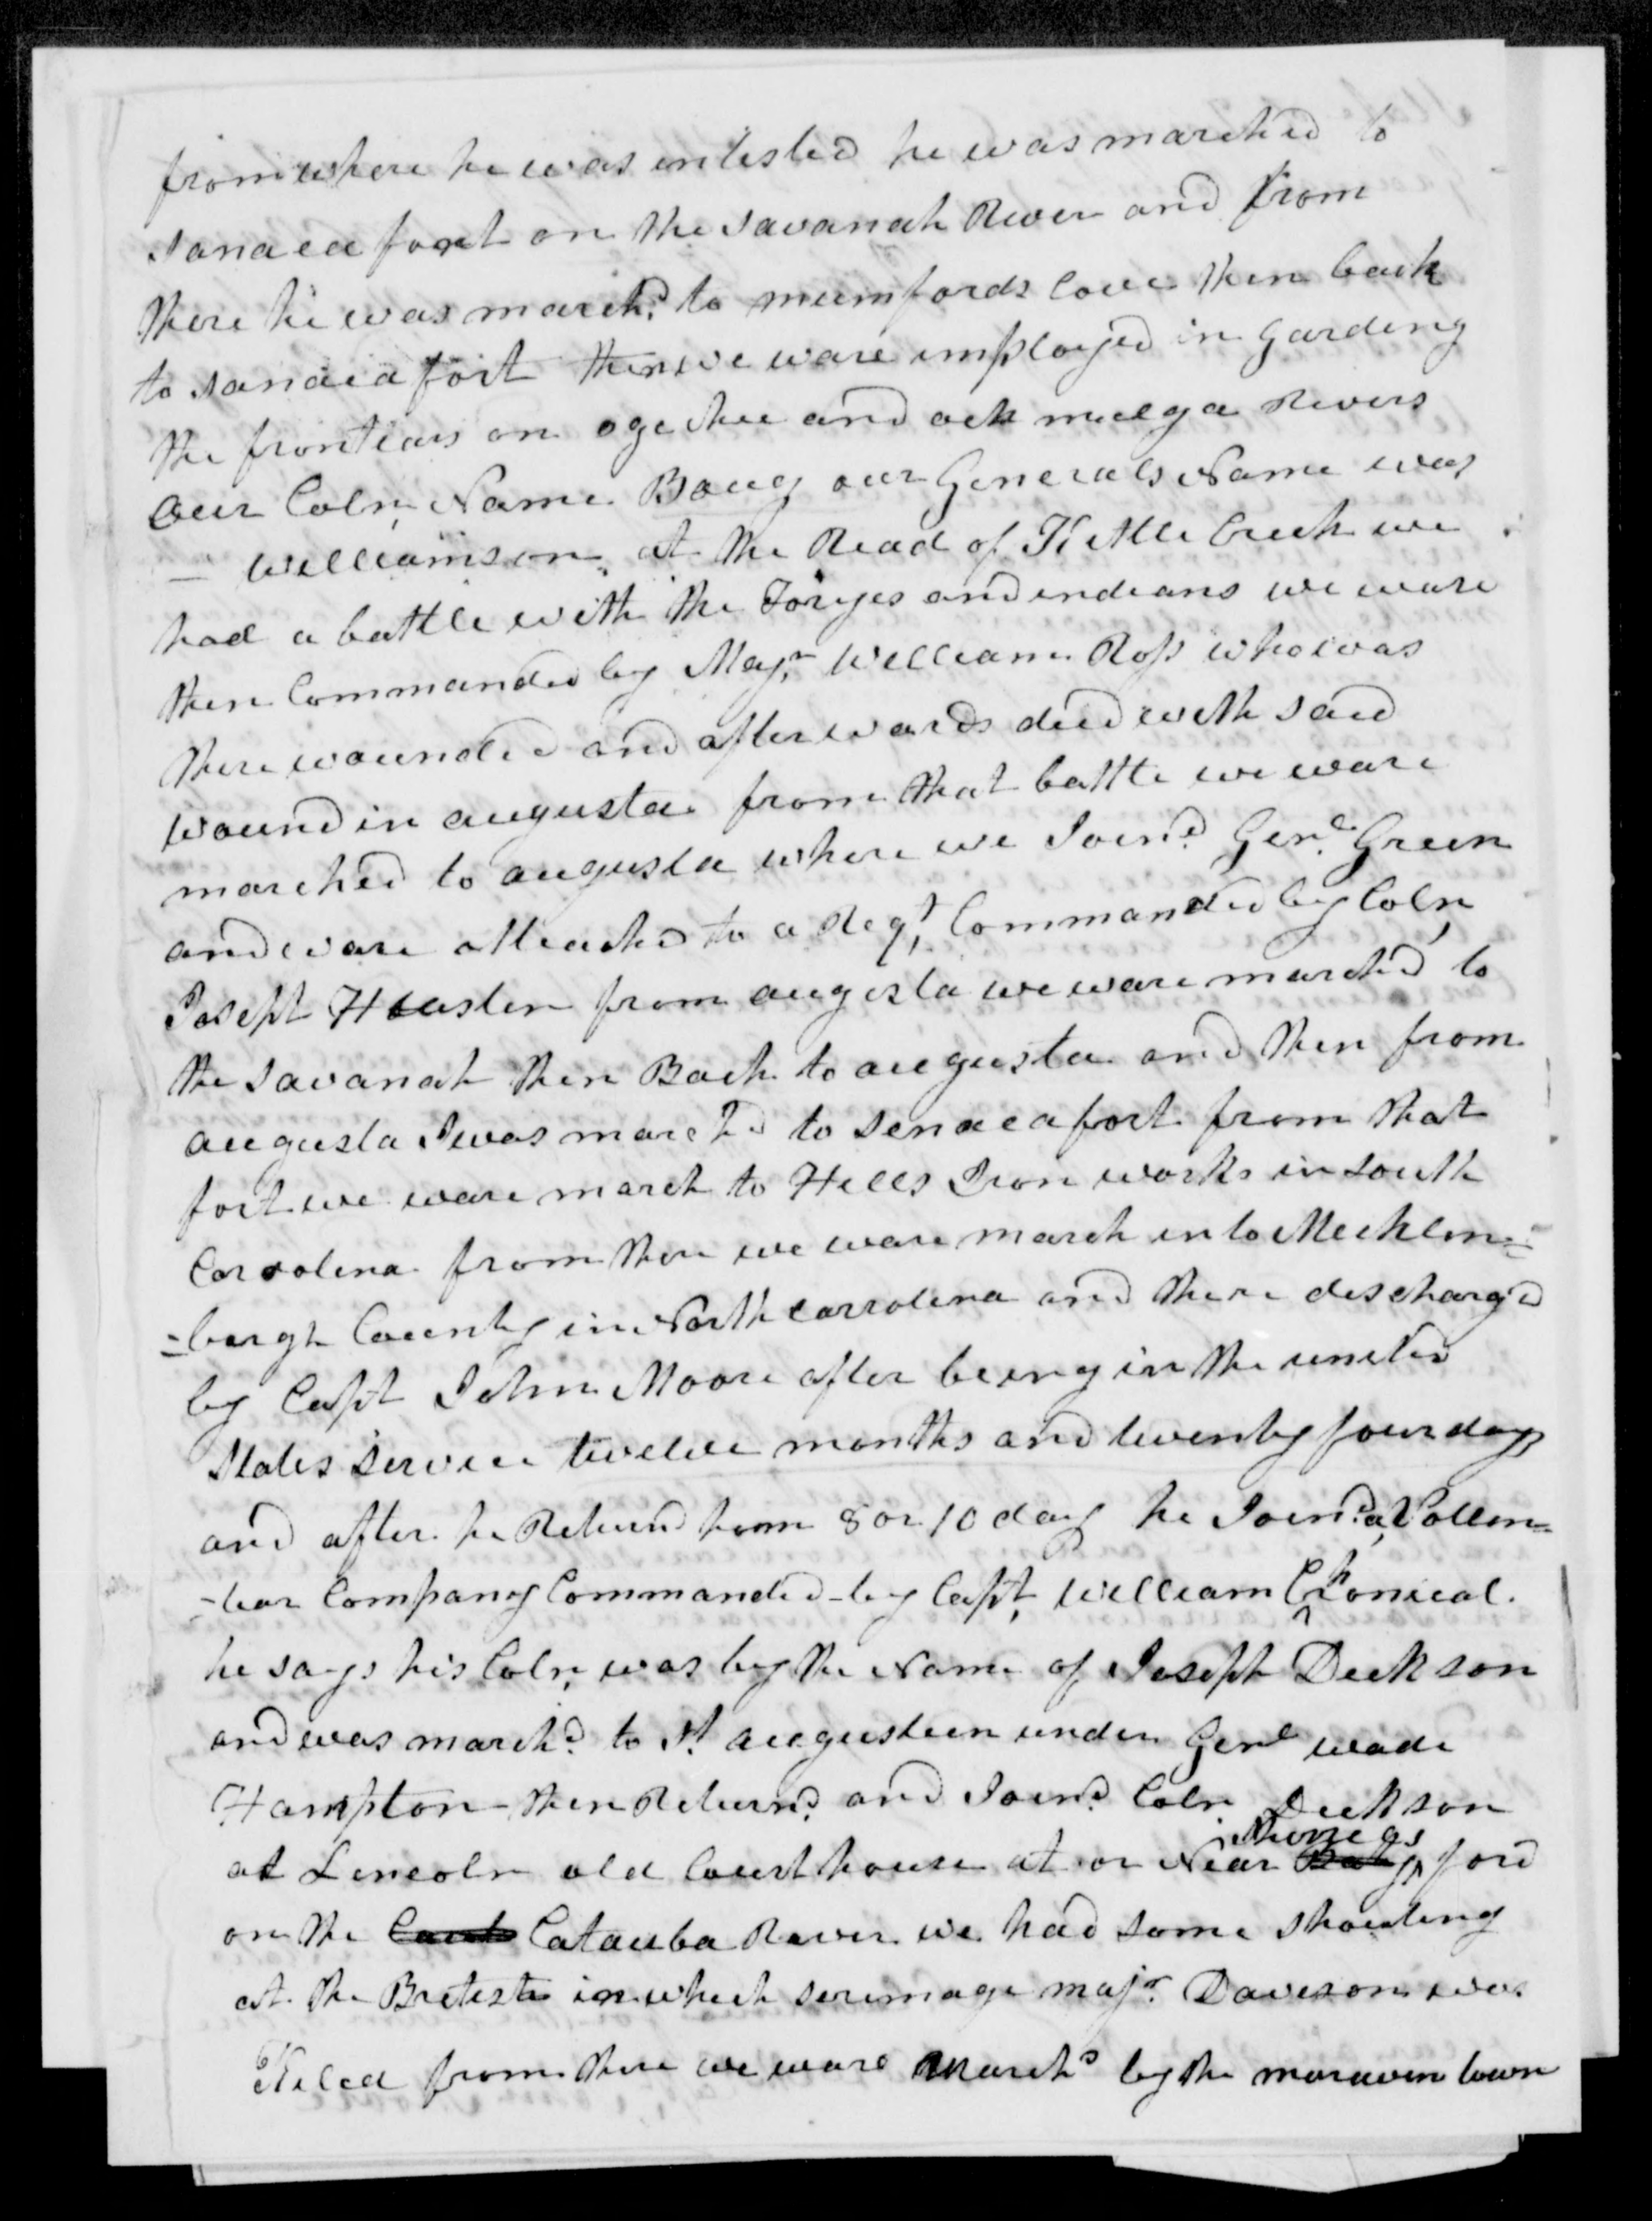from where he was enlisted he was marched to
Seneca fort on the Savanah River and from
there he was march to Mumfords Cove then back to
Seneca fort then we were employed in Guarding
the frontiers on Ogeechee and Ocmulgee Rivers
our Col. Lame Bacey our Generals name was --
Williams  - at the head of Kettle Creek we
had a battle with the Tories and Indians - we were
then commanded by Maj William Ross who was
there wounded and afterwards died with said
wound in Augusta - from that battle we were
marched to Augusta where we joined Genl Green
and were attached to a Regt commanded by Col.
Joseph Heaster - from Augusta we were marched to
the Savanah then back to Augusta and then from
Augusta was marched to Seneca fort - from that
for we were marched to Hill's Iron works in South Carolina from there we were marched into Mecklenburg County in North Carolina and there discharged by Capt John Moore after being in the United States service twelve months and twenty four days - and after he returned from 8 or 10 day he Joined a volunteer Company commanded by Capt William Chomeal - he says his Col was by the name of Joseph Dickson and was marched to St Augustine under Genl Wade Hampton then returned and Joined Col. Dickinson at Lincoln Old court house at or near George's ford on the Catawba River- we had some shooting at the British in which Sergeant Maj Davison was killed - from there we were marched by the Marven town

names: William C Comeal, William Ross, Williamson, Bacey, Joseph Heaster, Wade Hampton, John Moore, Green, Joseph Dickson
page: 4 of 14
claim: rejected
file: R. 11,338, George West, N.C.